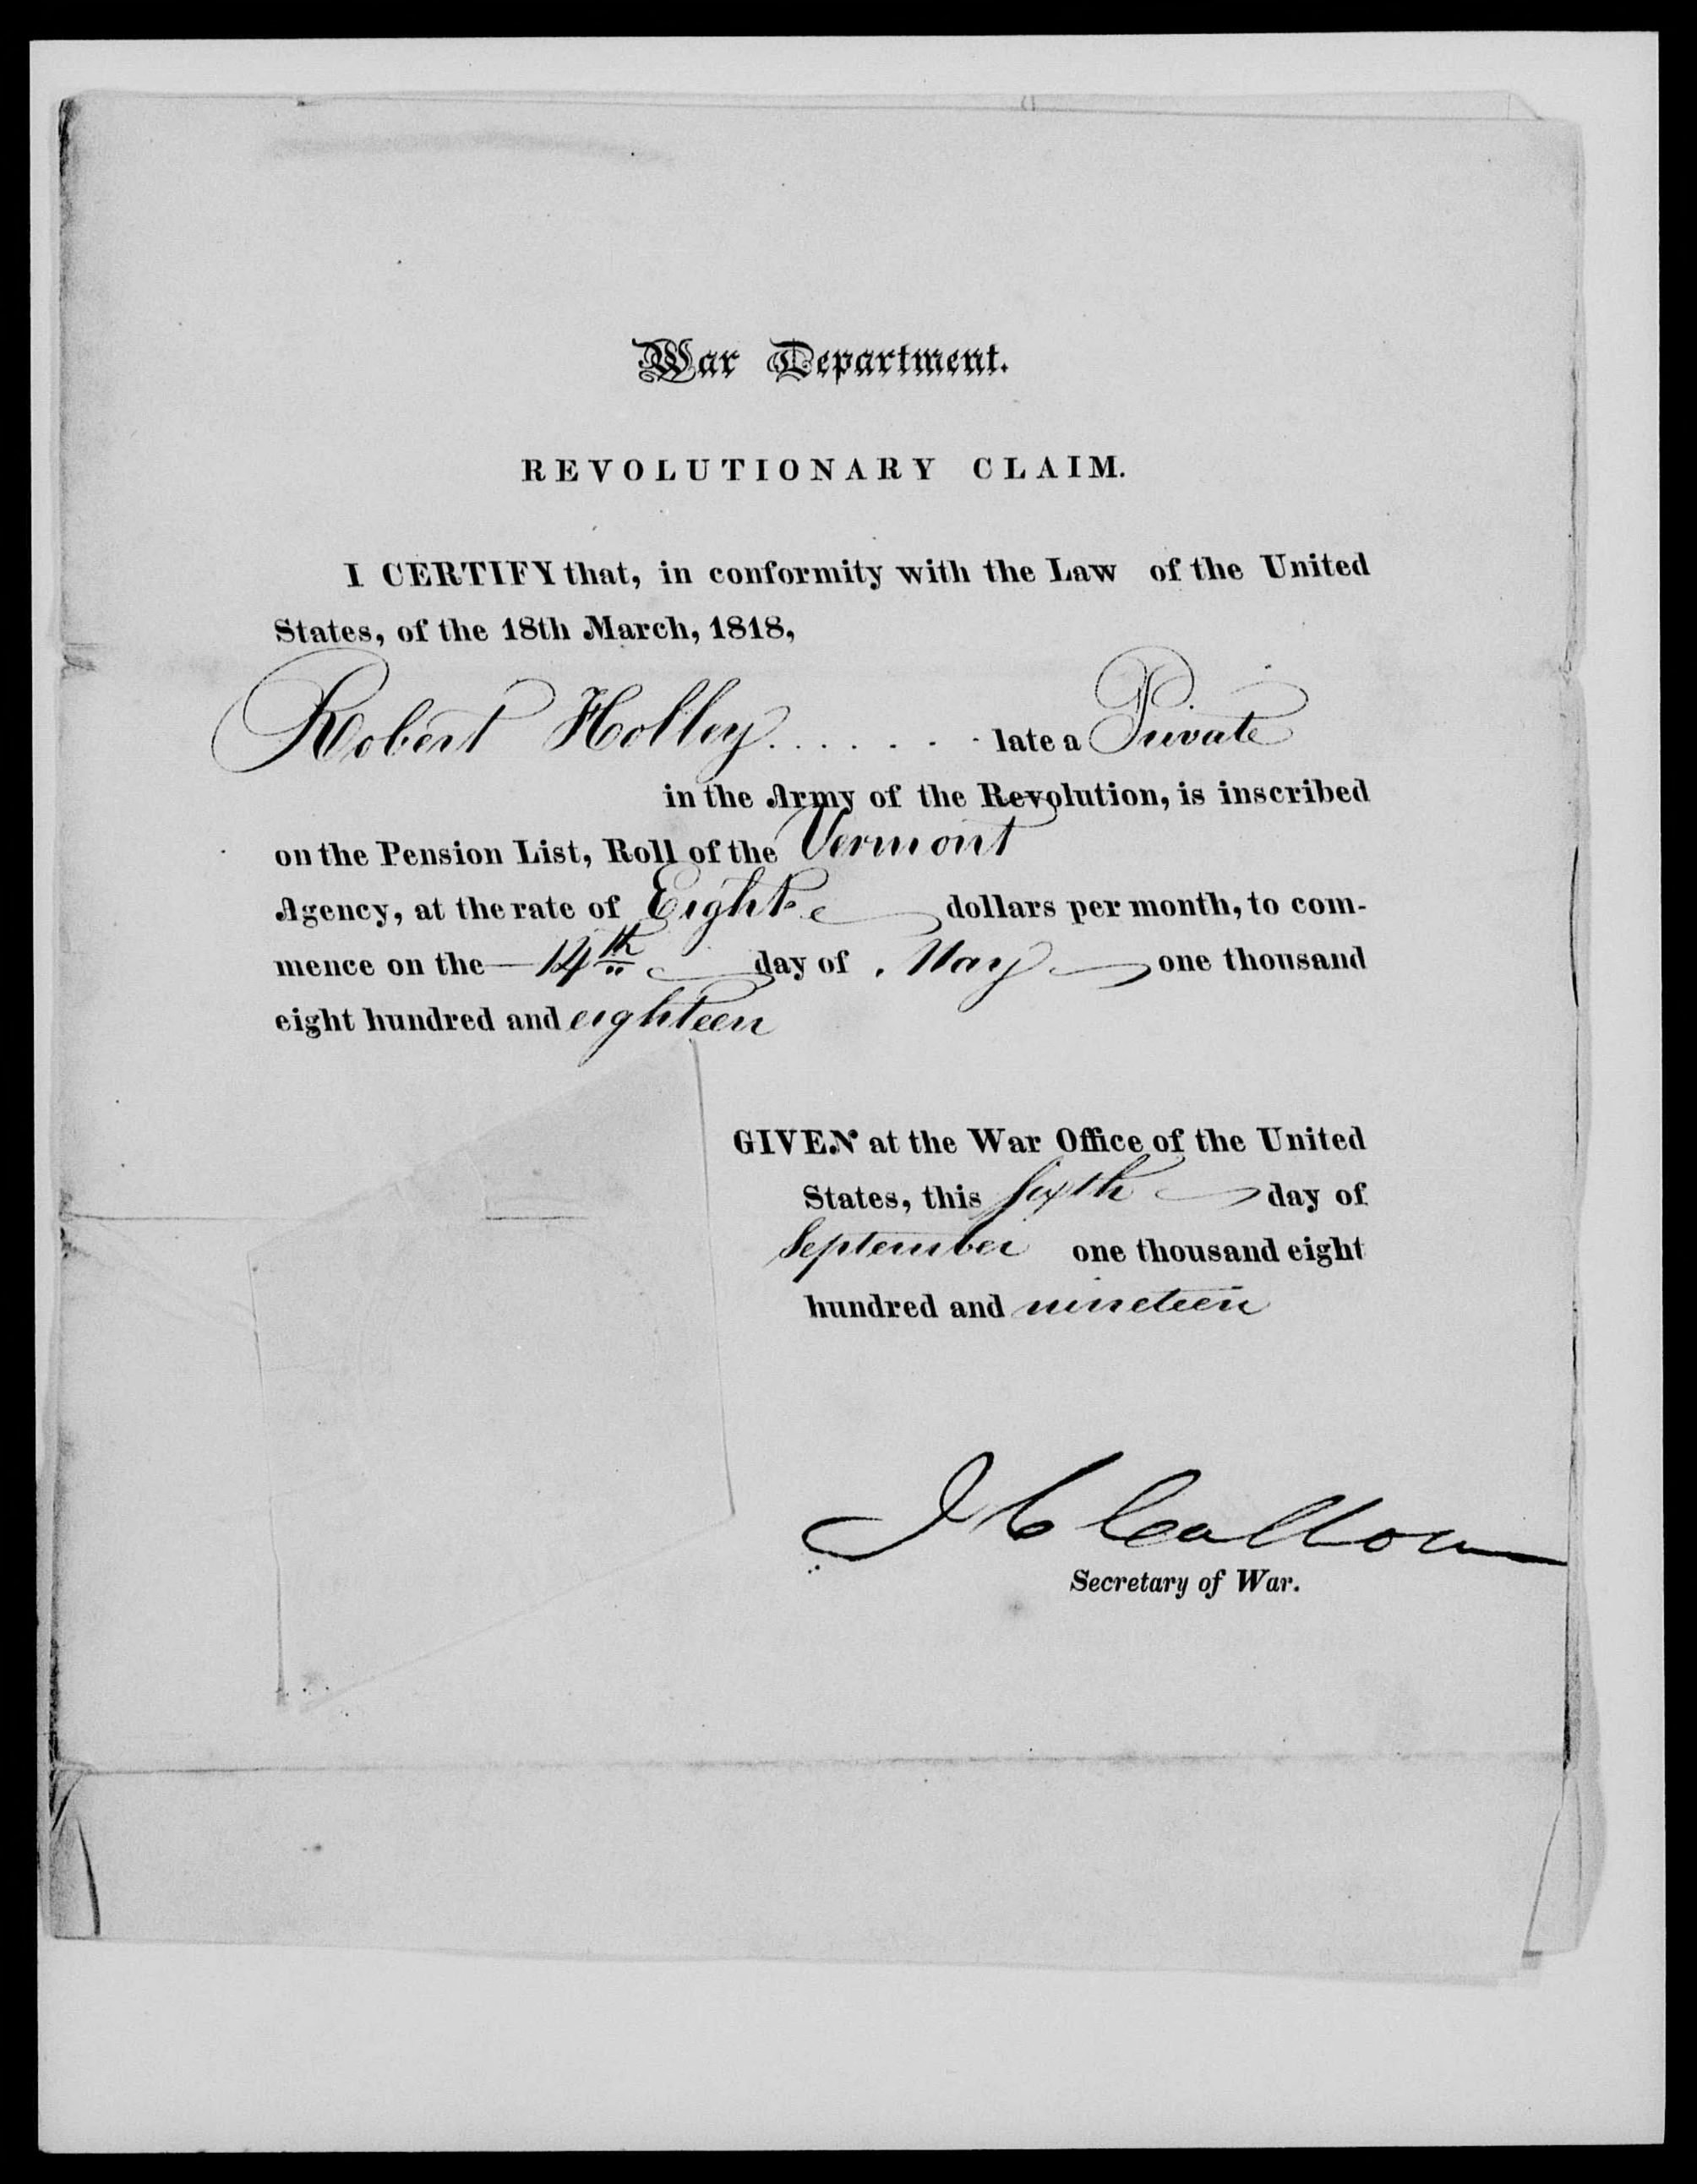War Department
REVOLUTIONARY CLAIM.

I CERTIFY that, in conformity with the Law of the United
States, of the 18th March, 1818,
Robert Holley late a private
in the Army of the Revolution, is inscribed
on the Pension List, Roll of the Vermont
Agency, at the rate of Eight dollars per month, to commence
on the 14th day of May one thousand
eight hundred and eighteen

GIVEN at the War Office of the United States, 
this Sixth day of
September one thousand eight
hundred and nineteen
J C Calhoun
Secretary of War.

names: Robert Holley, J C Calhoun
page: 42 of 62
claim: widow's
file: W. 21391, Robert Holley, Conn.